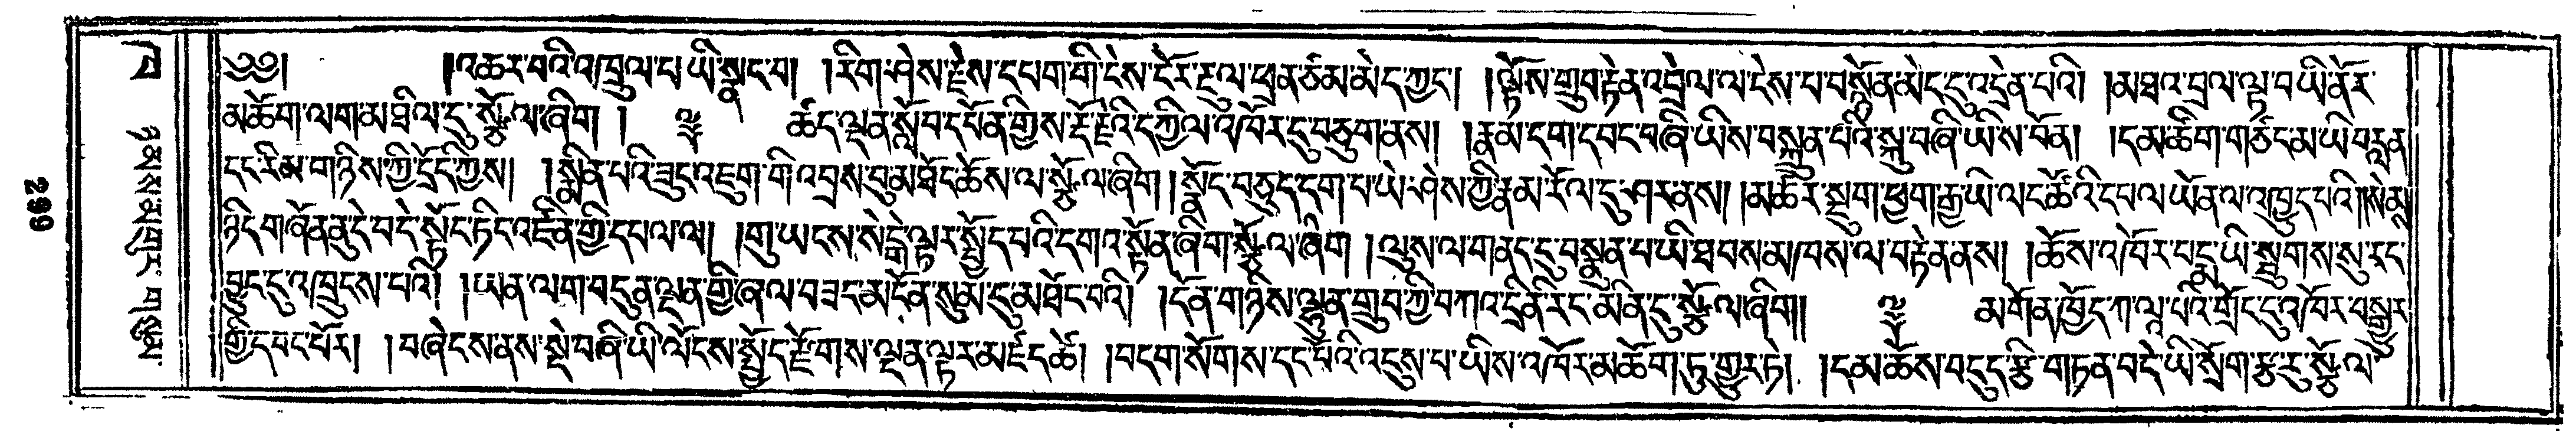༄༅། །འཆར་བའི་འཁྲུལ་པ་ཡི་སྣང་བ། །རིག་ཤེས་རྗེས་དཔག་གི་ངེས་ངོར་རྡུལ་ཕྲན་ཙམ་མེད་ཀྱང་། །ལྟོས་གྲུབ་རྟེན་འབྲེལ་ལ་ངེས་པ་བསྙོན་མེད་དུ་འདྲེན་པའི། །མཐའ་བྲལ་ལྟ་བ་ཡི་ནོར་
མཆོག་ལག་མཐིལ་དུ་སྩོལ་ཞིག ། ༈ ཚད་ལྡན་སློབ་དཔོན་གྱིས་རྡོ་རྗེའི་དཀྱིལ་འཁོར་དུ་བཅུག་ནས། །རྣམ་དག་དབང་བཞི་ཡིས་བསྐྲུན་པའི་སྐུ་བཞི་ཡི་ས་བོན། །དམ་ཚིག་གཙང་མ་ཡི་བརླན་
དང་རིམ་གཉིས་ཀྱི་དྲོད་ཀྱིས། །སྨིན་པའི་ཟུང་འཇུག་གི་འབྲས་བུ་མཐོང་ཆོས་ལ་སྩོལ་ཞིག །སྣོད་བཅུད་དག་པ་ཡེ་ཤེས་ཀྱི་རྣམ་རོལ་དུ་ཤར་ནས། །མཚར་སྡུག་ཕྱག་རྒྱ་ཡི་ལང་ཚོའི་དཔལ་ཡོན་ལ་འཁྱུད་པའི། །སེམས་
ཉིད་གཞོན་ནུ་དེ་བདེ་སྟོང་ཏིང་འཛིན་གྱི་དཔལ་ལ། །གུ་ཡངས་སེངྒེ་ལྟར་སྤྱོད་པའི་དགའ་སྟོན་ཞིག་སྩོལ་ཞིག །ལུས་ལ་གནད་དུ་བསྣུན་པ་ཡི་ཐབས་མཁས་ལ་བརྟེན་ནས། །ཆོས་འཁོར་པདམ་ཡི་སྦུགས་སུ་རང་
བྱུང་དུ་འཁྲུངས་པའི། །ཡན་ལག་བདུན་ལྡན་གྱི་ཞལ་བཟང་མངོན་སུམ་དུ་མཐོང་བའི། །དོན་གཉིས་ལྷུན་གྲུབ་ཀྱི་བཀའ་དྲིན་རིང་མིན་དུ་སྩོལ་ཞིག། ༈ མགོན་ཁྱོད་ཀ་ལཱ་པའི་གྲོང་དུ་འཁོར་བསྒྱུར་
གྱི་དབང་པོར། །བཞེངས་ནས་སྡེ་བཞི་ཡི་ལོངས་སྤྱོད་རྫོགས་ལྡན་ལྟར་མཛད་ཚེ། །བདག་སོགས་དང་པོའི་འདུས་པ་ཡིས་འཁོར་མཆོག་ཏུ་གྱུར་ཏེ། །དམ་ཆོས་བདུད་རྩི་གཏན་བདེ་ཡི་སྲོག་རྩ་རུ་སྩོལ་